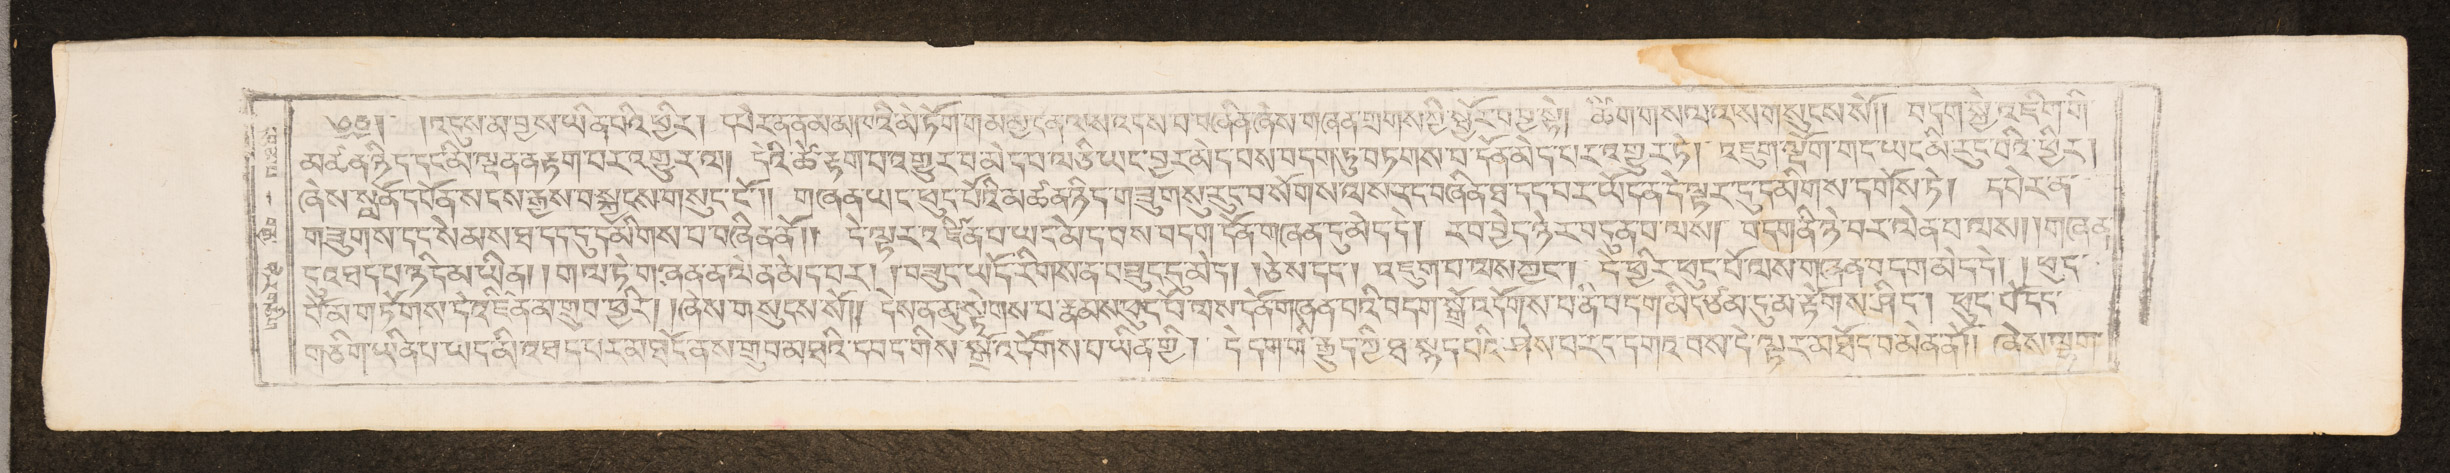༄༅། །འདུས་མ་བྱས་ཡིན་པའི་ཕྱིར། དཔེར་ན་ནམ་མཁའི་མེ་ཏོག་གམ་མྱ་ངན་ལས་འདས་པ་བཞིན་ཞེས་གཞན་གྲགས་ཀྱི་སྦྱོར་བ་བྱ་སྟེ། ཚིག་གསལ་ལས་གསུངས་སོ།། བདག་སྐྱེ་འཇིག་གི་
མཚན་ཉིད་དང་མི་ལྡན་ན་རྟག་པར་འགྱུར་ལ། དེའི་ཚེ་རྟག་པ་འགྱུར་བ་མེད་པ་ལ་ཅི་ཡང་བྱར་མེད་པས་བདག་ཏུ་བཏགས་པ་དོན་མེད་པར་འགྱུར་ཏེ། འཇུག་ལྡོག་གང་ཡང་མི་རུང་བའི་ཕྱིར།
ཞེས་སློན་དཔོན་སངས་རྒྱས་བསྐྱངས་གསུང་ངོ།། གཞན་ཡང་ཕུད་པོའི་མཚན་ཉིད་གཟུགས་སུ་རུང་བ་སོགས་ལས་རང་བཞིན་ཐ་དད་པར་ཡོད་ན་དེ་ལྟར་དུ་དམིགས་དགོས་ཏེ། དཔེར་ན་
གཟུགས་དང་སེམས་ཐ་དད་དུ་དམིགས་པ་བཞིན་ནོ།། དེ་ལྟར་འཛིན་པ་ཡང་མེད་པས་བདག་དོན་གཞན་དུ་མེད་དེ། རབ་བྱེད་ཉེར་བདུན་པ་ལས། བདག་ནི་ཉེ་བར་ལེན་པ་ལས། །གཞན་
དུ་འཐད་པ་ཉིད་མ་ཡིན།། གལ་ཏེ་གཞན་ན་ལེན་མེད་པར། །བཟུང་ཡོད་རིགས་ན་བཟུང་དུ་མེད། །ཅེས་དང་། འཇུག་པ་ལས་ཀྱང་། དེ་ཕྱིར་ཕུང་པོ་ལས་གཞན་བདག་མེད་དེ། །ཕུད་
པོ་མ་གཏོགས་དེ་འཛིན་མ་གྲུབ་ཕྱིར། །ཞེས་གསུངས་སོ།། དེས་ན་མུ་སྟེགས་པ་རྣམས་ཕུང་པོ་ལས་དོན་གཞན་པའི་བདག་སྒྲོ་འདོགས་པ་ནི་བདག་མིང་ཙམ་དུ་མ་རྟོགས་ཤིང་། ཕུང་པོ་དང་
གཅིག་ཡིན་པ་ཡང་མི་འཐད་པར་མཐོང་ནས་གྲུབ་མཐའི་དབང་གིས་སྒྲོ་འདོགས་པ་ཡིན་གྱི། དེ་དག་གི་རྒྱུད་ཀྱི་ཐ་སྙད་པའི་ཤེས་པ་རང་དགའ་བས་དེ་ལྟར་མཐོང་བ་མེན་ནོ།། ཞེས་ལྷག་